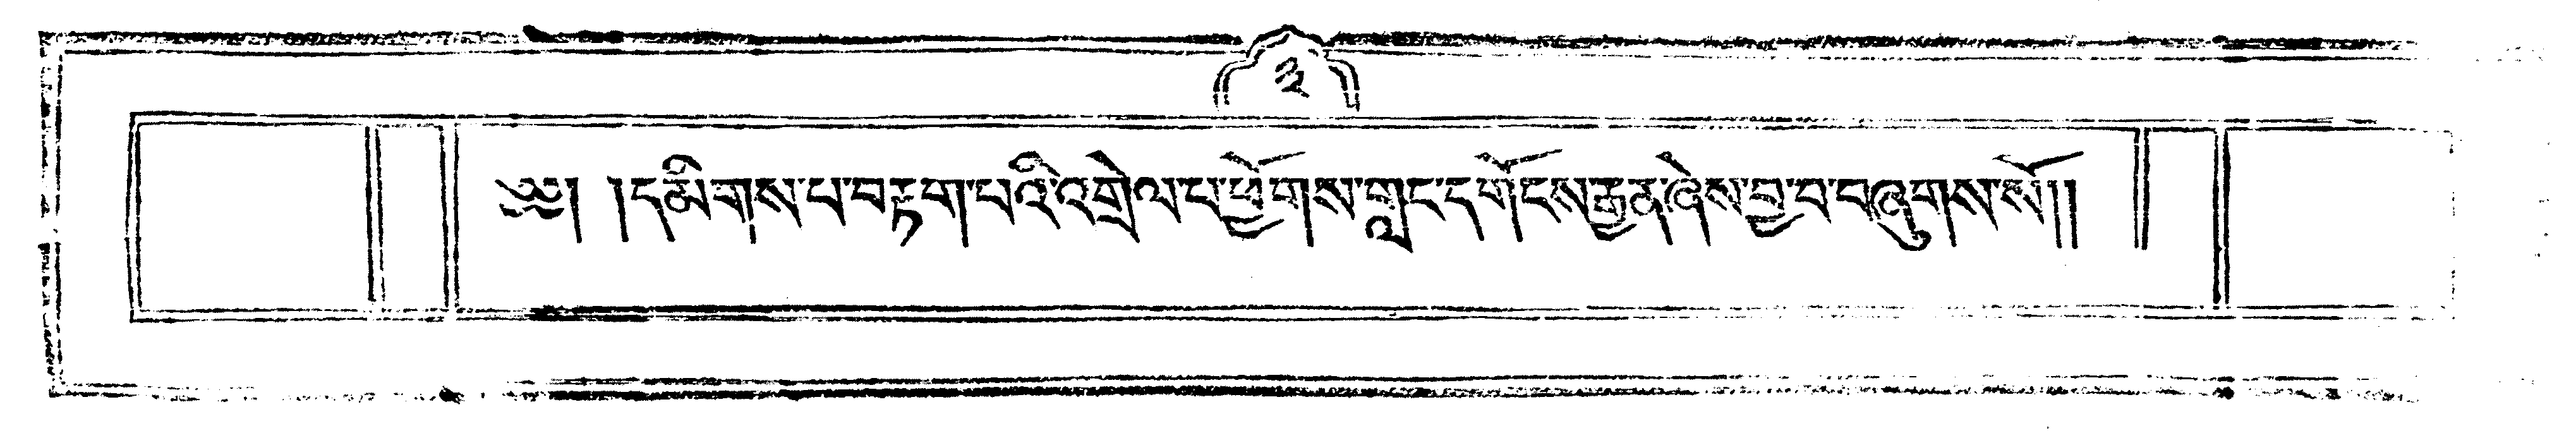༄༅། །དམིགས་ལ་བརྟག་པའི་འགྲེལ་པ་ཕྱོགས་གླང་དགོངས་རྒྱན་ཞེས་བྱ་བ་བཞུགས་སོ།།